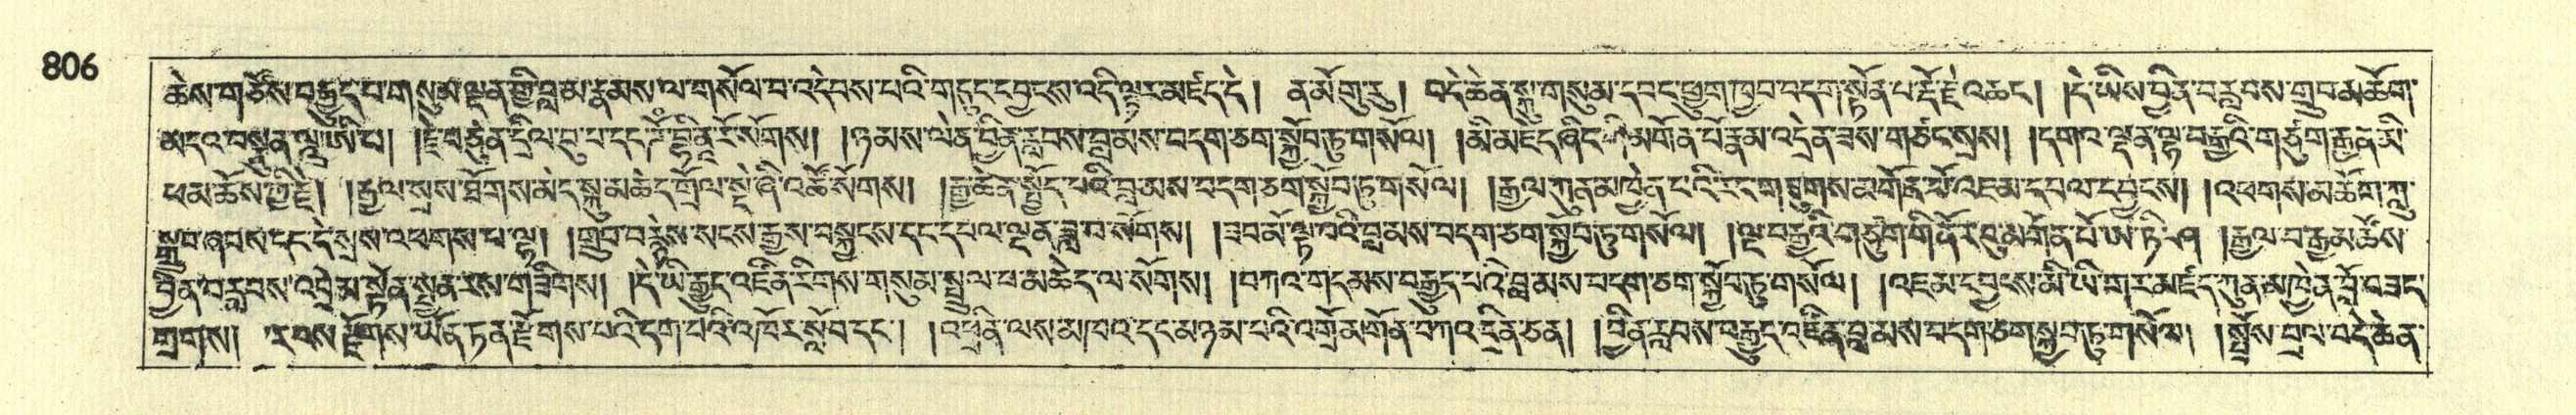ཆེས་གཙོས་བརྒྱུད་པ་གསུམ་ལྡན་གྱི་བླ་མ་རྣམས་ལ་གསོལ་བ་འདེབས་པའི་གདུང་དབྱངས་འདི་ལྟར་མཛད་དེ། ན་མོ་གུ་རུ། བདེ་ཆེན་སྐུ་གསུམ་དབང་ཕྱུག་ཁྱབ་བདག་སྟོན་པ་རྡོ་རྗེ་འཆང་། །དེ་ཡིས་བྱིན་བརླབས་གྲུབ་མཆོག་
མདའ་བསྣུན་ལཱུ་ཨི་པ། །རྗེ་བཙུན་དྲིལ་བུ་པ་དང་ཌོཾ་བྷི་ནཱ་རོ་སོགས། །ཉམས་ལེན་བྱིན་རླབས་བླ་མས་བདག་ཅག་སྐྱོབ་ཏུ་གསོལ། །མི་མཇེད་ཞིང་གི་མགོན་པོ་རྣམ་འདྲེན་ཟས་གཙང་སྲས། །དགའ་ལྡན་ལྷ་བརྒྱའི་གཙུག་རྒྱན་མི་
ཕམ་ཆོས་ཀྱི་རྗེ། །རྒྱལ་སྲས་ཐོགས་མེད་སྐུ་མཆེད་གྲོལ་སྡེ་ཞི་འཚོ་སོགས། །རྒྱ་ཆེན་སྤྱོད་པའི་བླ་མས་བདག་ཅག་སྐྱོབ་ཏུ་གསོལ། །རྒྱལ་ཀུན་མཁྱེན་པའི་རང་གཟུགས་མགོན་པོ་འཇམ་དཔལ་དབྱངས། །འཕགས་མཆོག་ཀླུ་
སྒྲུབ་ཞབས་དང་དེ་སྲས་འཕགས་པ་ལྷ། །གྲུབ་བརྙེས་སངས་རྒྱས་བསྐྱངས་དང་དཔལ་ལྡན་ཟླ་བ་སོགས། །ཟབ་མོ་ལྟ་བའི་བླ་མས་བདག་ཅག་སྐྱོབ་ཏུ་གསོལ། །ལྔ་བརྒྱའི་གཙུག་གི་ནོར་བུ་མགོན་པོ་ཨ་ཏི་ཤ་།རྒྱལ་བ་རྒྱ་མཚོས་
བྱིན་བརླབས་འབྲེམ་སྟོན་སྤྱན་རས་གཟིགས། །དེ་ཡི་རྒྱུད་འཛིན་རིགས་གསུམ་སྤྲུལ་ཕ?་མཆེད་ལ་སོགས། །བཀའ་གདམས་བརྒྱུད་པའི་བླ་མས་བདག་ཅག་སྐྱོབ་ཏུ་གསོལ། །འཇམ་དབྱངས་མི་ཡི་གར་མཛད་ཀུན་མཁྱེན་བློ་བཟང་
གྲགས། །རབས་རྫོགས་ཡོན་ཏན་རྫོགས་པའི་དག་པའི་འཁོར་སློབ་དང་། །འཕྲིན་ལས་མཁའ་དང་མཉམ་པའི་འགྲོ་མགོན་བཀའ་དྲིན་ཅན། །བྱིན་རླབས་བརྒྱུད་འཛིན་བླ་མས་བདག་ཅག་སྐྱབ་ཏུ་གསོལ། །སྤྲོས་བྲལ་བདེ་ཆེན་